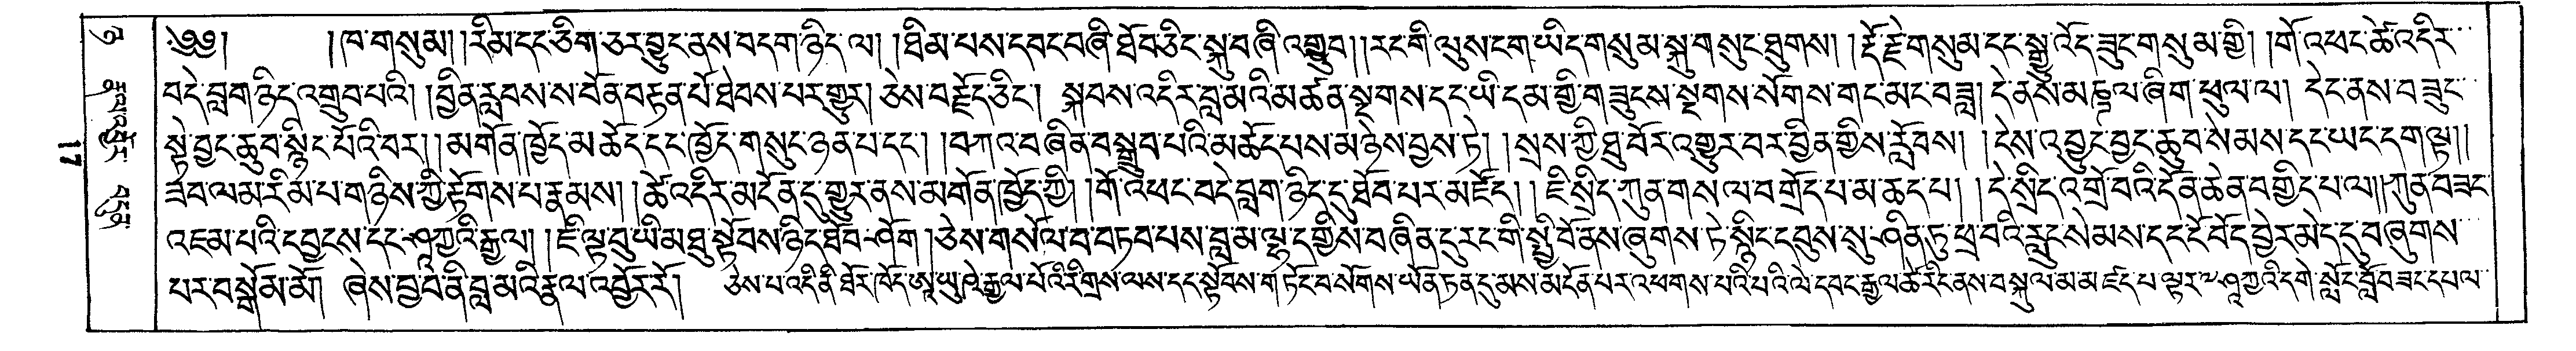༄༅། །ཁ་གསུམ། །རིམ་དང་ཅིག་ཅར་བྱུང་ནས་བདག་ཉིད་ལ། །ཐིམ་པས་དབང་བཞི་ཐོབ་ཅིང་སྐུ་བཞི་འགྲུབ། །རང་གི་ལུས་ངག་ཡིད་གསུམ་སྐུ་གསུང་ཐུགས། །རྡོ་རྗེ་གསུམ་དང་སྒྱུ་འོད་ཟུང་གསུམ་གྱི། །གོ་འཕང་ཚེ་འདིར་
བདེ་བླག་ཉིད་འགྲུབ་པའི། །བྱིན་རླབས་ས་བོན་བརྟན་པོ་ཐེབས་པར་གྱུར། ཅེས་བརྗོད་ཅིང་། སྐབས་འདིར་བླ་མའི་མཚན་སྔགས་དང་ཡི་དམ་གྱི་གཟུངས་སྔགས་སོགས་གང་མང་བཟླ། དེ་ནས་མཎྜལ་ཞིག་ཕུལ་ལ། དེང་རས་བཟུང་
སྟེ་བྱང་ཆུབ་སྙིང་པོའི་བར། །མགོན་ཁྱོད་མཆོད་དང་ཁྱོད་གསུང་ཉན་པ་དང་། །བཀའ་བཞིན་བསྒྲུབ་པའི་མཆོད་པས་མཉེས་བྱས་ཏེ། །སྲས་ཀྱི་ཐུ་བོར་འགྱུར་བར་བྱིན་གྱིས་རློབས། །ངེས་འབྱུང་བྱང་ཆུབ་སེམས་དང་ཡང་དག་ལྟ།།
ཟབ་ལམ་རིམ་པ་གཉིས་ཀྱི་རྟོགས་པ་རྣམས། །ཚེ་འདིར་མངོན་དུ་གྱུར་ནས་མགོན་ཁྱོད་ཀྱི། །གོ་འཕང་བདེ་བླག་ཉིད་དུ་ཐོབ་པར་མཛོད། །ཇི་སྲིད་ཀུན་གསལ་བགྲོད་པ་མཆད་པ། །དེ་སྲིད་འགྲོ་བའི་དོན་ཆེན་བགྱིད་པ་ལ། །ཀུན་བཟང་
འཇམ་པའི་དབྱངས་དང་ཤའྐྱའི་རྒྱལ། །ཇི་ལྟ་བུ་ཡི་མཐུ་སྟོབས་ཉིད་ཐོབ་ཤོག །ཅེས་གསོལ་བ་བཏབ་པས་བླ་མ་ལྷ་དགྱེས་བཞིན་དུ་རང་གི་སྤྱི་བོ་ནས་ཞུགས་ཏེ་སྙིང་དབུས་སུ་ཤིན་ཏུ་ཕྲ་བའི་རླུང་སེམས་དང་ངོ་བོ་དབྱེར་མེད་དུ་བཞུགས་
པར་བསྒོམ་མོ། ཞེས་བྱ་བ་ནི་བླ་མའི་རྣལ་འབྱོར་རོ། ཅེས་པ་འདི་ནི་ཐོར་ཁོད་ཨཱ་ཡུ་ཥེ་རྒྱལ་པོའི་རིགས་ལས་དང་སྟོབས་གཏོང་བ་སོགས་ཡོན་ཏན་དུ་མས་མངོན་པར་འཕགས་པའི་པའི་ལེ་དབང་ཆལ་ཚེ་རིང་ནས་བསྐུལ་མ་མཛད་པ་ལྟར ༧ཤཱཀྱའི་དགེ་སློང་བློ་བཟང་དཔལ་